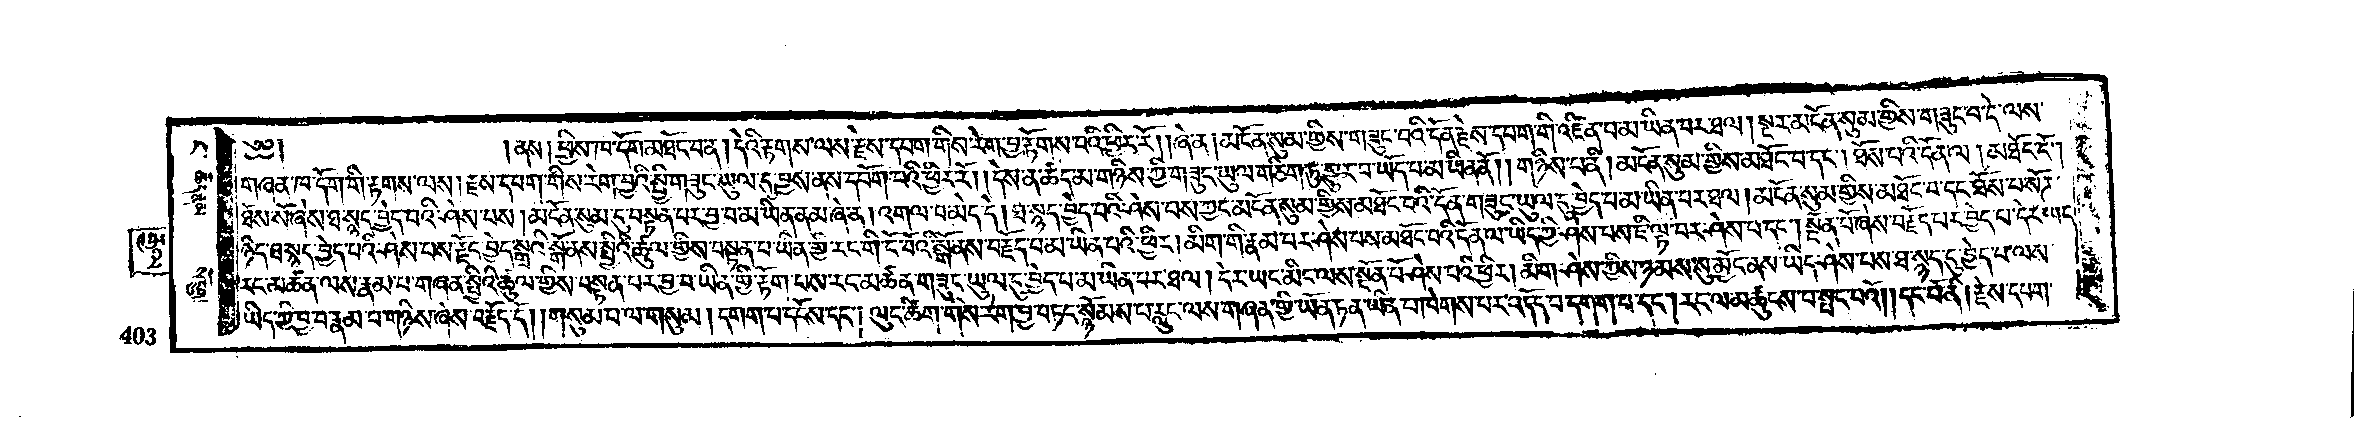༄༅། །ནས། ཕྱིས་ཁ་དོག་མཐོང་བ་ན། དེའི་རྟགས་ལས་རྗེས་དཔག་གིས་རེག་བྱ་རྟོགས་པའི་ཕྱིར་རོ། །ཞེ་ན། མངོན་སུམ་གྱིས་གཟུང་བའི་དོན་རྗེས་དཔག་གི་འཛིན་པ་མ་ཡིན་པར་ཐལ། སྔར་མངོན་སུམ་གྱིས་གཟུང་བ་དེ་ལས་
གཞན་ཁ་དོག་གི་རྟགས་ལས། རྗེས་དཔག་གིས་རེག་བྱའི་སྤྱི་གཟུང་ཡུལ་དུ་བྱས་ནས་དཔོག་པའི་ཕྱིར་རོ། །དེས་ན་ཚད་མ་གཉིས་ཀྱི་གཟུང་ཡུལ་གཅིག་ཏུ་གྱུར་པ་ཡོད་པ་མ་ཡིན་ནོ། །གཉིས་པ་ནི། མངོན་སུམ་གྱིས་མཐོང་བ་དང་། ཐོས་པའི་དོན་ལ། མཐོང་ངོ།
ཐོས་སོ་ཞེས་ཐ་སྙད་བྱེད་པའི་ཤེས་པས། མངོན་སུམ་དུ་བསྟན་པར་བྱ་བ་མ་ཡིན་ནམ་ཞེ་ན། འགལ་བ་མེད་དེ། ཐ་སྙད་བྱེད་པའི་སེཧས་པས་ཀྱང་མངོན་སུམ་གྱིས་མཐོང་བའི་དོན་གཟུང་ཡུལ་དུ་བྱེད་པ་མ་ཡིན་པར་ཐལ། མངོན་སུམ་གྱིས་མཐོང་བ་དང་ཐོས་པ་སོགས་
ཉིད་ཐ་སྙད་བྱེད་པའི་ཤེས་པས་རྗོད་བྱེད་སྒྲའི་སྒོ་ནས་སྤྱིའི་ཚུལ་གྱིས་བསྟན་པ་ཡིན་གྱི་རང་གི་ངོ་བོའི་སྒོ་ནས་བརྗོད་པ་མ་ཡིན་པའི་ཕྱིར། མིག་གི་རྣམ་པར་ཤེས་པས་མཐོང་བའི་དོན་ལ་ཡིད་ཀྱི་ཤེས་པས་ཇི་ལྟར་བར་ཤེས་པ་དང་། སྔོན་པོ་ཞེས་བརྗོད་པར་བྱེད་པ་དེ་ཡང་
རང་མཚན་ལས་རྣམ་པ་གཞན་སྤྱིའི་ཚུལ་གྱིས་བསྟན་པར་བྱ་བ་ཡིན་གྱི་རྟོག་པས་རང་མཚན་གཟུང་ཡུལ་དུ་བྱེད་པ་མ་ཡིན་པར་ཐལ། དེར་ཡང་མིང་ལས་སྔོན་པོ་ཤེས་པའི་ཕྱིར། མིག་ཤེས་ཀྱིས་ཉམས་སུ་མྱོང་ནས་ཡིད་ཤེས་པས་ཐ་སྙད་དུ་བྱེད་པ་ལས་
ཡིད་ཀྱི་བྱ་བ་རྣམ་པ་གཉིས་ཞེས་བརྗོད་དོ། །གསུམ་པ་ལ་གསུམ། དགག་པ་དངོས་དང་། ལུང་ཚིག་གིས་རེག་བྱ་བསྟན་སྙོམས་པ་རླུང་ལས་གཞན་གྱི་ཡོན་ཏན་ཡིན་པ་ཁེགས་པར་འདོད་པ་དགག་པ་དང་། རང་ལ་མཚུངས་པ་སྤང་བའོ། །དང་པོ་ནི་རྗེས་དཔག་